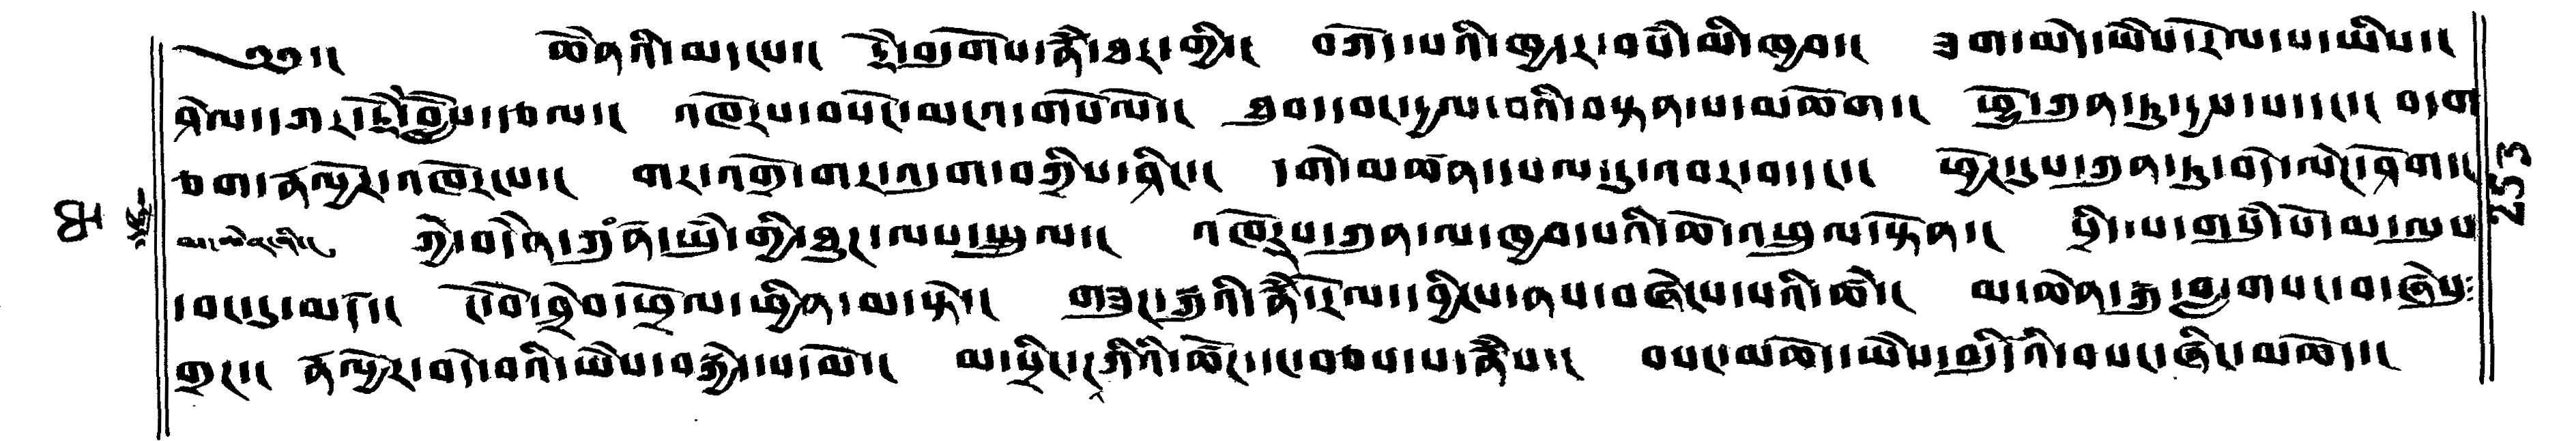ཆེན་པོའི་མདངས། །རྡོ་རྗེ་བདུག་སྤོས་རྣམ་ཐར་གྱི། །བཀོད་པའི་ཁྱད་པར་བསམ་མི་ཁྱབ། །ཟག་མེད་ཡེ་ཤེས་རོལ་པ་ཡིས། །
ཤེལ་དཀར་རྡོ་རྗེ་བློ་གྲོས་རྩལ། །འཁོར་བཅས་བསང་ངོ་མངའ་གསོལ་ལོ། །ཐུབ་དབང་རྒྱལ་བའི་བསྟན་པ་མཆོག ཕྱོགས་བཅུ་ཀུན་ཏུ་རྒྱས་པ་དང་། །བདག་
ཅག་རྣལ་འབྱོར་འཁོར་དང་བཅས། །གར་འགྲོ་གར་འདུག་བཀྲ་ཤིས་ཤིང་། །དགེ་མཚན་དཔལ་དུ་འབར་བ་དང་། །ཕྱོགས་དུས་ཀུན་ཏུ་བདེ་ལེགས་ཤོག 
མ་ཆེན་ནི། ཀྱཻ། བདེ་ཆེན་ཀུན་བཟང་ཡུམ་གྱི་ཐུགས་ལས་སྤྲུལ། །འཁོར་འདས་ཀུན་ལ་ཁྱབ་པའི་ཆོ་འཕྲུལ་སྟོན། །སྲིད་པ་གསུམ་པོ་མ་ལུས་
དབང་དུ་མཛད། །ངོ་བོ་ཤེས་རབ་ཕ་རོལ་ཕྱིན་མ་སྟེ། །གཟུགས་སྐུའི་རྣམ་རོལ་དབྱིངས་ནས་བཞེངས་པའི་ཚེ། །མ་ཆེན་སྐུ་བླ་གསང་བ་ཞེས་སུ་
གྲགས། །རྣལ་འབྱོར་བདེ་བའི་ཡེ་ཤེས་བསྐྱེད་པ་མོ། །མ་སྲིང་ཌཱཀྐིའི་ཚོགས་དང་བཅས་པ་རྣམས། །བསང་མཆོད་ཡེ་ཤེས་བདུད་རྩིས་བསང་ཞིང་མཆོད།